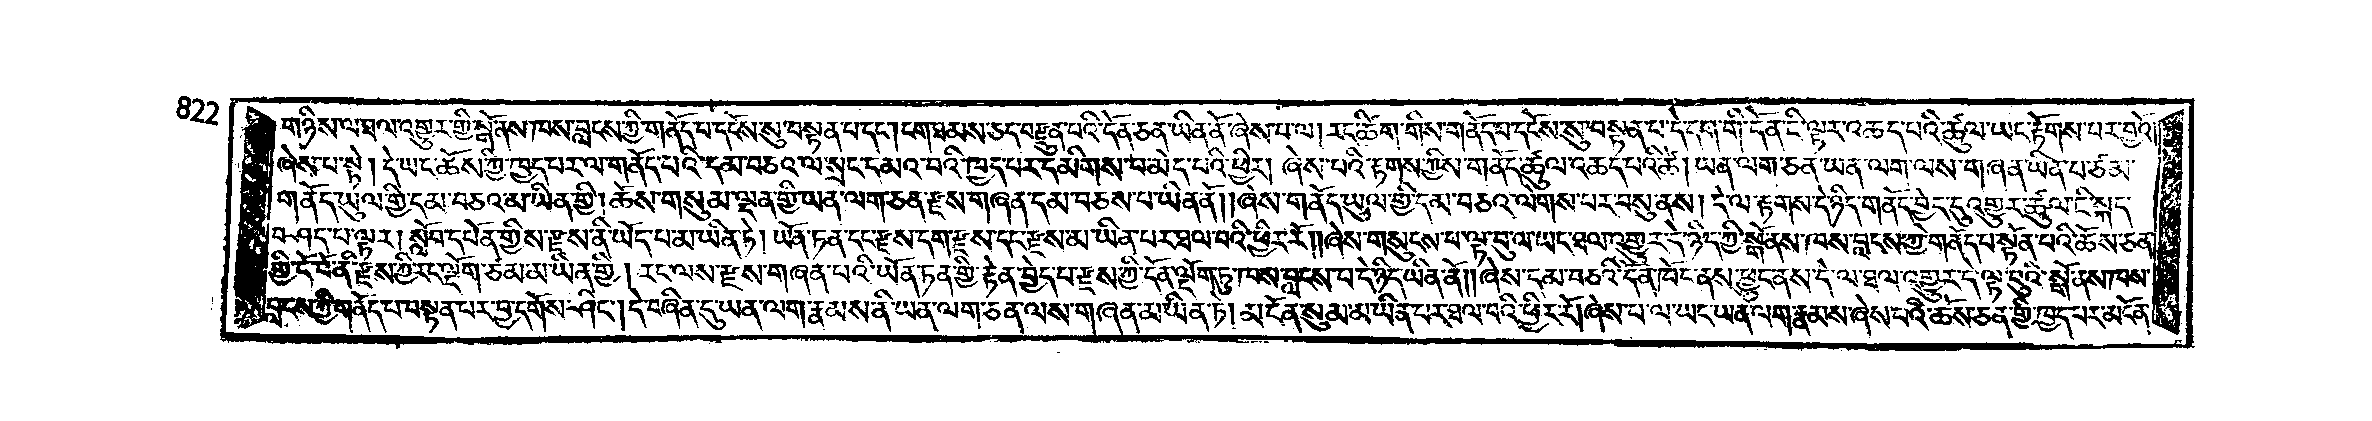གཉིས་ལ་ཐལ་འགྱུར་གྱི་སྒོ་ནས་ཁས་བླངས་ཀྱི་གནོད་པ་དངོས་སུ་བསྟན་པ་དང་། ངག་ཐམས་ཅད་བརྫུན་པའི་དོན་ཅན་ཡིན་ནོ་ཞེས་པ་ལ། རང་ཚིག་གིས་གནོད་པ་དངོས་སུ་བསྟན་པ་དེ་དག་གི་དོན་ཇི་ལྟར་འཆད་པའི་ཚུལ་ཡང་རྟོགས་པར་བྱའོ།
ཞེས་པ་སྟེ། དེ་ཡང་ཆོས་ཀྱི་ཁྱད་པར་ལ་གནོད་པའི་དམ་བཅའ་ལ་སྲང་དམའ་བའི་ཁྱད་པར་དམིགས་པ་མེད་པའི་ཕྱིར། ཞེས་པའི་རྟགས་ཀྱིས་གནོད་ཚུལ་འཆད་པའི་ཚེ། ཡན་ལག་ཅན་ཡན་ལག་ལས་གཞན་ཡིན་པ་ཙམ་
གནོད་ཡུལ་གྱི་དམ་བཅའ་མ་ཡིན་གྱི། ཆོས་གསུམ་ལྡན་གྱི་ཡན་ལག་ཅན་རྫས་གཞན་དམ་བཅས་པ་ཡིན་ནོ། །ཞེས་གནོད་ཡུལ་གྱི་དམ་བཅའ་ལེགས་པར་བསུ་ནས། དེ་ལ་རྟགས་དེ་ཉིད་གནོད་བྱེད་དུ་འགྱུར་ཚུལ་ཇི་སྐད་
བཤད་པ་ལྟར། སློབ་དཔོན་གྱིས་རྫས་ནི་ཡོད་པ་མ་ཡིན་ཏེ། ཡོན་ཏན་དང་རྫས་དག་རྫས་དང་རྫས་མ་ཡིན་པར་ཐལ་བའི་ཕྱིར་རོ། །ཞེས་གསུངས་པ་ལྟ་བུ་ལ་ཡང་ཐལ་འགྱུར་དེ་ཉིད་ཀྱི་སྒོ་ནས་ཁས་བླངས་ཀྱི་གནོད་པ་སྟོན་པའི་ཆོས་ཅན་
གྱི་ངོ་བོ་ནི་རྫས་ཀྱི་རང་ལྡོག་ཙམ་མ་ཡིན་གྱི། རང་ལས་རྫས་གཞན་པའི་ཡོན་ཏན་གྱི་རྟེན་བྱེད་པ་རྫས་ཀྱི་དོན་ལྡོག་ཏུ་ཁས་བླངས་པ་དེ་ཉིད་ཡིན་ནོ། །ཞེས་དམ་བཅའི་དོན་ཁོང་ནས་ཕྱུང་ནས་དེ་ལ་ཐལ་འགྱུར་དེ་ལྟ་བུའི་སྒོ་ནས་ཁས་
བླངས་ཀྱི་གནོད་པ་བསྟན་པར་བྱ་དགོས་ཤིང་། དེ་བཞིན་དུ་ཡན་ལག་རྣམས་ནི་ཡན་ལག་ཅན་ལས་གཞན་མ་ཡིན་ཏེ། མངོན་སུམ་མ་ཡིན་པར་ཐལ་བའི་ཕྱིར་རོ། ཞེས་པ་ལ་ཡང་ཡན་ལག་རྣམས་ཞེས་པའི་ཆོས་ཅན་གྱི་ཁྱད་པར་མངོན་